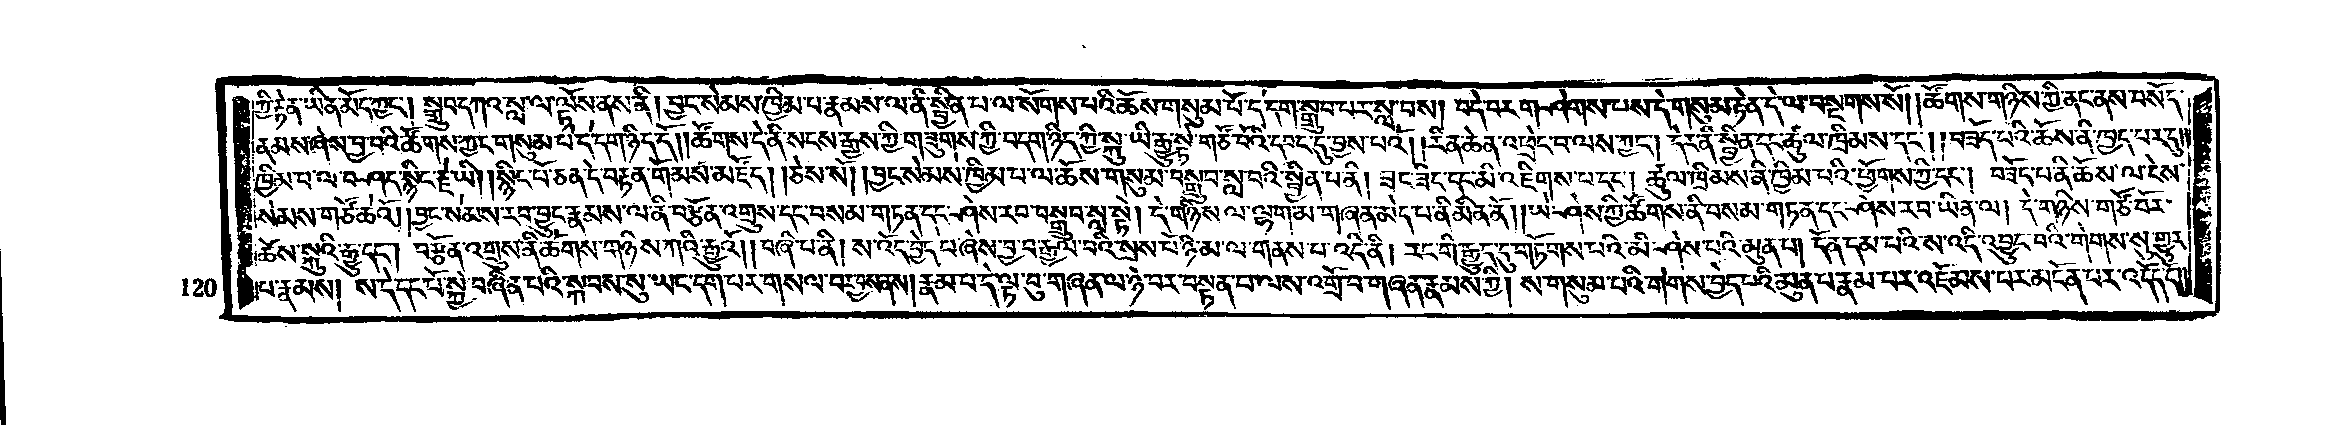ཀྱི་རྟེན་ཡིན་མོད་ཀྱང་། སྒྲུབ་དཀའ་སླ་ལ་ལྟོས་ནས་ནི། བྱང་སེམས་ཁྱིམ་པ་རྣམས་ལ་ནི་སྦྱིན་པ་ལ་སོགས་པའི་ཆོས་གསུམ་པོ་དེ་དག་སྒྲུབ་པར་སླ་བས། བདེ་བར་གཤེགས་པས་དེ་གསུམ་རྟེན་དེ་ལ་བསྔགས་སོ། །ཚོགས་གཉིས་ཀྱི་ནང་ནས་བསོད་
ནམས་ཞེས་བྱ་བའི་ཚོགས་ཀྱང་གསུམ་པ་དེ་དག་ཉིད་དོ། །ཚོགས་དེ་ནི་སངས་རྒྱས་ཀྱི་གཟུགས་ཀྱི་བདག་ཉིད་ཀྱི་སྐུ་ཡི་རྒྱུ་སྟེ་གཙོ་བོའི་དབང་དུ་བྱས་པའོ། །རིན་ཆེན་འཕྲེང་བ་ལས་ཀྱང་། དེར་ནི་སྦྱིན་དང་ཚུལ་ཁྲིམས་དང་། །བཟོད་པའི་ཆོས་ནི་ཁྱད་པར་དུ། །
ཁྱིམ་པ་ལ་བཤད་སྙིང་རྗེ་ཡི། །སྙིང་པོ་ཅན་དེ་བརྟན་གོམས་མཛོད། །ཅེས་སོ། །བྱང་སེམས་ཁྱིམ་པ་ལ་ཆོས་གསུམ་བསྒྲུབ་སླ་བའི་སྦྱིན་པ་ནི། ཟང་ཟིང་དང་མི་འཇིགས་པ་དང་། ཚུལ་ཁྲིམས་ནི་ཁྱིམ་པའི་ཕྱོགས་ཀྱི་དང་། བཟོད་པ་ནི་ཆོས་ལ་ངེས་
སེམས་གཙོ་ཆེའོ། །བྱང་སེམས་རབ་བྱུང་རྣམས་ལ་ནི་བརྩོན་འགྲུས་དང་བསམ་གཏན་དང་ཤེས་རབ་བསྒྲུབ་སླ་སྟེ། དེ་གཉིས་ལ་ལྷག་མ་གཞན་མེད་པ་ནི་མིན་ནོ། །ཡེ་ཤེས་ཀྱི་ཚོགས་ནི་བསམ་གཏན་དང་ཤེས་རབ་ཡིན་ལ། དེ་གཉིས་གཙོ་བོར་
ཆོས་སྐུའི་རྒྱུ་དང་། བརྩོན་འགྲུས་ནི་ཚོགས་གཉིས་ཀའི་རྒྱུའོ། །བཞི་པ་ནི། ས་འོད་བྱེད་པ་ཞེས་བྱ་བ་རྒྱལ་བའི་སྲས་པོ་ཉི་མ་ལ་གནས་པ་འདི་ནི། རང་གི་རྒྱུད་དུ་གཏོགས་པའི་མི་ཤེས་པའི་མུན་པ། དོན་དམ་པའི་ས་འདི་འབྱུང་བའི་གེགས་སུ་གྱུར་
པ་རྣམས། ས་དེ་དང་པོ་སྐྱེ་བཞིན་པའི་སྐབས་སུ་ཡང་དག་པར་གསལ་བར་བྱས་ནས། རྣམ་པ་དེ་ལྟ་བུ་གཞན་ལ་ཉེ་བར་བསྟན་པ་ལས་འགྲོ་བ་གཞན་རྣམས་ཀྱི། ས་གསུམ་པའི་གེགས་བྱེད་པའི་མུན་པ་རྣམ་པར་འཇོམས་པར་མངོན་པར་འདོད་དོ། །